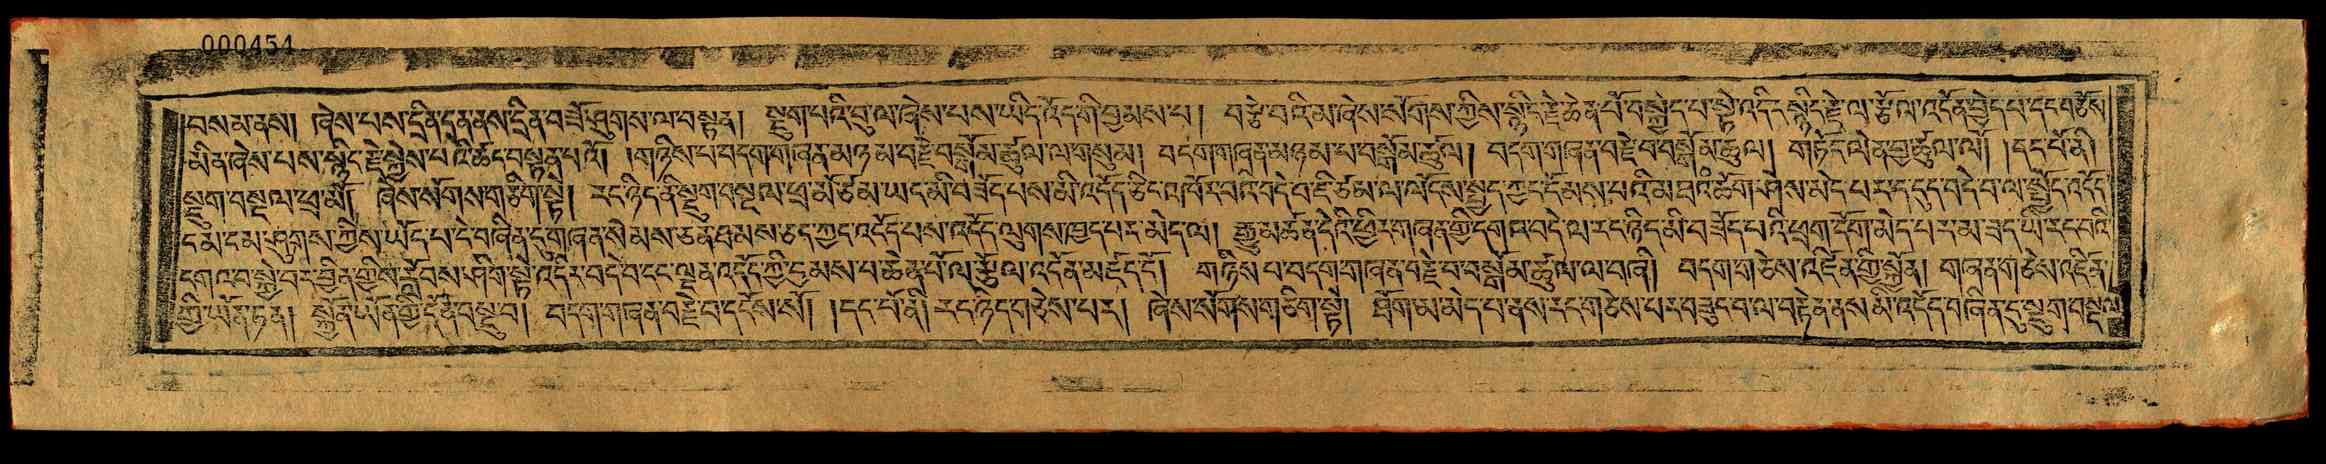བསམ་ནས། ཞེས་པས་དྲིན་དྲན་ནས་དྲིན་བཟོ་ཤུགས་ལ་བསྟན། སྡུག་པའི་བུ་ལ་ཞེས་པས་ཡིད་འོང་གི་བྱམས་པ། བརྩེ་བའི་མ་ཞེས་སོགས་ཀྱིས་སྙིང་རྗེ་ཆེན་པོ་བསྐྱེད་པ་སྟེ་འདིར་སྙིང་རྗེ་ལ་རྩོལ་འདོན་བྱེད་པ་དང་བཅོས་
མིན་ཞེས་པས་སྙིང་རྗེ་སྐྱེས་པའི་ཚད་བསྟན་པའོ། །གཉིས་པ་བདག་གཞན་མཉམ་པ་རྗེ་བསྒོམ་ཚུལ་ལ་གསུམ། བདག་གཞན་མཉམ་པ་བསྒོམ་ཚུལ། བདག་གཞན་བརྗེ་བ་བསྒོམ་ཚུལ། གཏོང་ལེན་བྱ་ཚུལ་ལོ། །དང་པོ་ནི།
སྡུག་བསྔལ་ཕྲ་མོ། ཞེས་སོགས་གཅིག་སྟེ། རང་ཉིད་ནི་སྡུག་བསྔལ་ཕྲ་མོ་ཙམ་ཡང་མི་བཟོད་པས་མི་འདོད་ཅིང་འཁོར་བའི་བདེ་བ་ཇི་ཙམ་ལ་ལོངས་སྤྱད་ཀྱང་ངོམས་པའི་མཐའ་ཆོག་ཤེས་མེད་པར་ད་དུང་བདེ་བ་ལ་སྤྱོད་འདོད་
ངམ་ངམ་ཤུགས་ཀྱིས་ཡོད་པ་དེ་བཞིན་དུ་གཞན་སེམས་ཅན་ཐམས་ཅད་ཀྱང་འདོད་པས་འདོད་ལུགས་ཁྱད་པར་མེད་ལ། རྒྱུ་མཚན་དེའི་ཕྱིར་གཞན་གྱི་དགའ་བདེ་ལ་རང་ཉིད་མི་བཟོད་པའི་ཕྲག་དོག་མེད་པར་མ་ཟད་ཡི་རང་བའི་
དགའ་བ་སྐྱེ་བར་བྱིན་གྱིས་རློབས་ཤིག་སྟེ་འདིར་བདེ་བ་དང་ལྡན་འདོད་ཀྱི་བྱམས་པ་ཆེན་པོ་ལ་རྩོལ་འདོན་མཛད་དོ། །གཉིས་པ་བདག་གཞན་བརྗེ་བ་བསྒོམ་ཚུལ་ལ་བཞི། བདག་གཅེས་འཛིན་གྱི་སྐྱོན། གཞན་གཅེས་འཛིན་
གྱི་ཡོན་ཏན། སྐྱོན་ཡོན་གྱི་དོན་བསྡུ་བ། བདག་གཞན་བརྗེ་བ་དངོས་སོ། །དང་པོ་ནི། རང་ཉིད་གཅེས་པར། ཞེས་སོགས་གཅིག་སྟེ། ཐོག་མ་མེད་པ་ནས་རང་གཅེས་པར་བཟུང་བ་ལ་བརྟེན་ནས་མི་འདོད་བཞིན་དུ་སྡུག་བསྔལ་